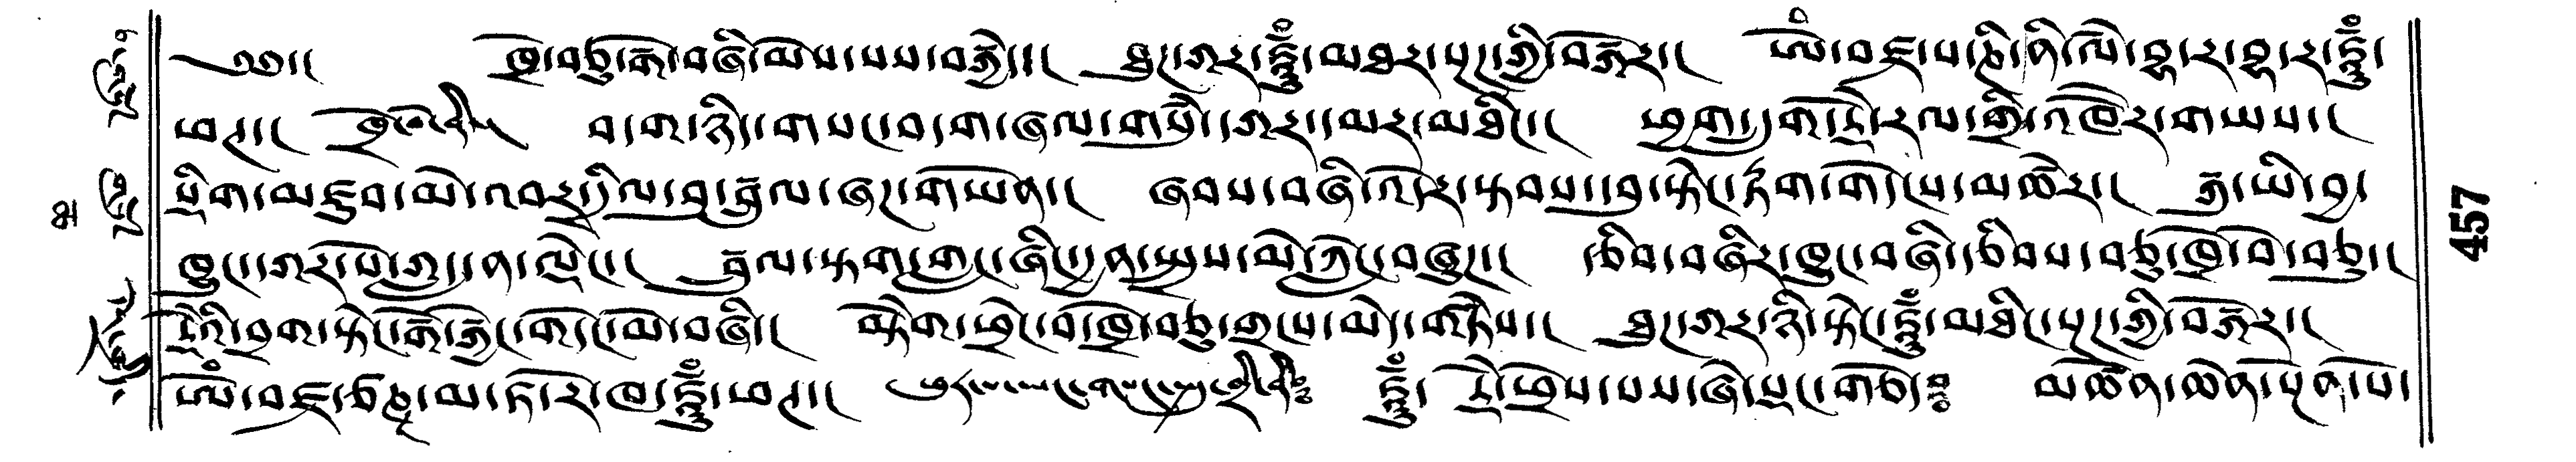ཁྲོ་བཅུ་སྒོ་བཞི་མོས་པས་བསྐྱེད། །ཐུགས་ཀར་ཧཱུྃ་མཐར་སྔགས་ཀྱིས་བསྐོར། ཨོཾ་བཛྲ་པ་ཎི་ནི་ལམ་བྷ་ར་དྷ་ར་ཧཱུྃ་
ཕཊ༔ ཁྲོ་བོ་ནི། བདག་ཉིད་གསང་བདག་ཞལ་གསུམ་དཀར་དམར་མཐིང་། །ཕྱག་དྲུག་རྡོ་རྗེ་རལ་གྲི་འཁོར་ལོ་གཡས། །
སྡིགས་མཛུབ་མེ་འབར་དྲིལ་བུ་སྦྲུལ་ཞགས་གཡོན། །ཞབས་བཞི་འདོར་སྟབས་དབུ་སྟེང་རྟ་གདོང་མཚེར། །སྐུ་ཡི་བྱ་
ཁྱུང་དཀར་པོ་ཀླད་ན་ལྡིང་། །སྦྲུལ་སྟག་གླང་ཞིང་རྒྱན་སྤྲས་མེ་ཀློང་བཞུགས། །རྩིབས་བཞིར་ཁྱུང་བཞི་རྩིབས་བཅུར་ཁྲོ་བོ་བཅུ། །
རྡོ་རྗེའི་བྲག་སྟེང་སྒོ་སྐྱོང་གདོང་མོ་བཞི། །མེ་ཏོག་ཕྲེང་བར་ཁྲོ་བཅུ་གྲངས་མེད་གཏམས། །ཐུགས་ཀར་ཉི་སྟེང་ཧཱུྃ་མཐིང་སྔགས་ཀྱི་བསྐོར། 
ཨོཾ་བཛྲ་ཙཎྜ་མ་ཧ་རོ་ཁ་ཧཱུྃ་ཕཊཿ ཕུར་པ་ཡང་གསང་སྤུ་གྲི་ནི། ཧཱུྃ༔ རྡོ་རྗེ་ཁྲོས་པས་ཞེ་སྡང་གཅོད༔ མཚོན་ཆེན་སྔོན་པོ་